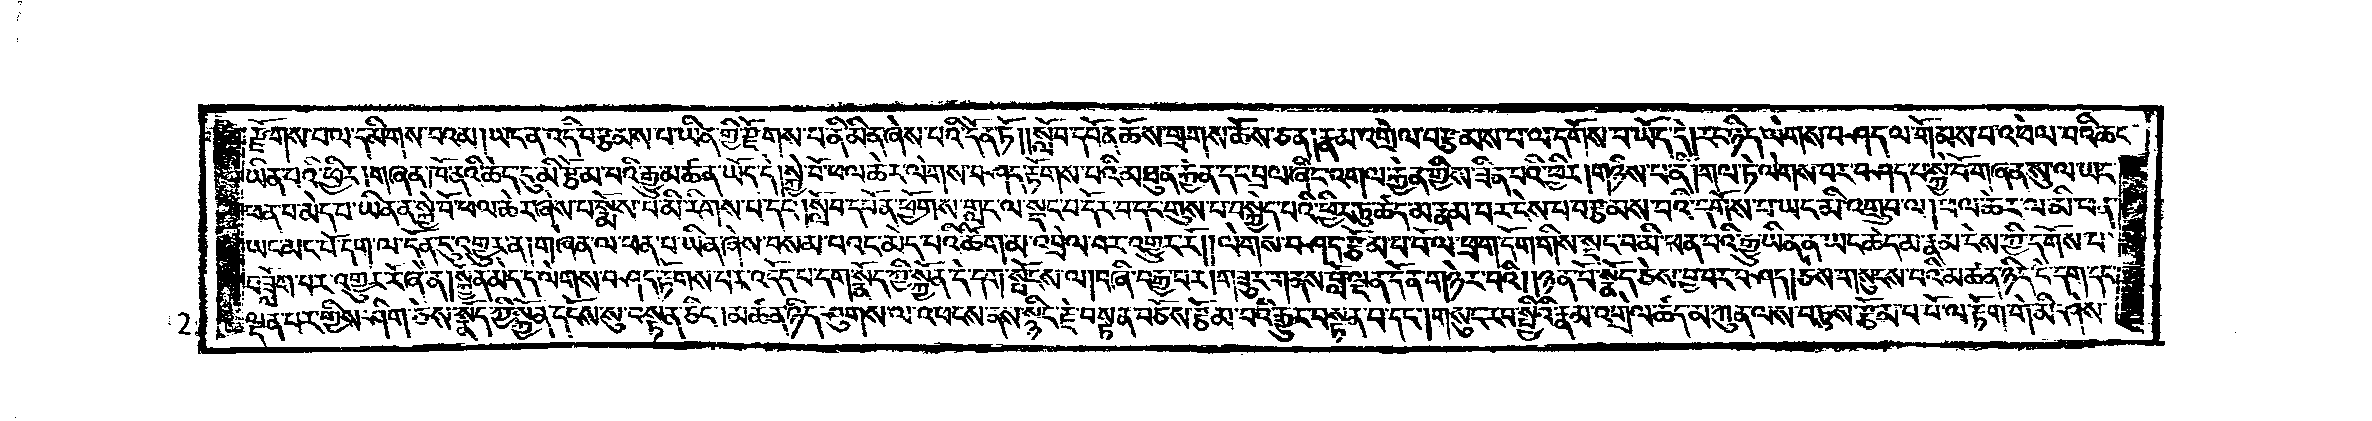རྫོགས་པ་ལ་དམིགས་པའམ། ཡང་ན་འདི་བརྩམས་པ་ཡིན་གྱི་རྫོགས་པ་ནི་མིན་ཞེས་པའི་དོན་ཏོ། །སློབ་དཔོན་ཆོས་གྲགས་ཆོས་ཅན། རྣམ་འགྲེལ་བརྩམས་པ་ལ་དགོས་པ་ཡོད་དེ། རང་ཉིད་ལེགས་བཤད་ལ་གོམས་པ་འཕེལ་བའི་ཆང་
ཡིན་པའི་ཕྱིར། གཞན་ཁོ་ནའི་ཆེད་དུ་མི་རྩོམ་པའི་རྒྱུ་མཚན་ཡོད་དེ། སྐྱེ་བོ་ཕལ་ཆེར་ལེགས་བཤད་རྟོགས་པའི་མཐུན་རྐྱེན་དང་བྲལ་ཞིང་འགལ་རྐྱེན་གྱིས་ཟིན་པའི་ཕྱིར། གཉིས་པ་ནི། གལ་ཏེ་ལེགས་པར་བཤད་པ་སྐྱེ་བོ་གཞན་སུ་ལ་ཡང་
ཕན་པ་མེད་པ་ཡིན་ན་སྐྱེ་བོ་ཕལ་ཆེར་ཞེས་པ་སྨོས་པ་མི་རིགས་པ་དང་། སློབ་དཔོན་ཕྱོགས་གླང་ལ་སྡང་བ་དོར་བ་དང་གུས་པ་བསྐྱེད་པའི་ཕྱིར་ཏུ་ཚད་མ་རྣམ་པར་ངེས་པ་བརྩམས་པའི་དགོས་པ་ཡང་མི་འགྲུབ་ལ། ཕལ་ཆེར་ལ་མི་ཕན་
ཡང་མང་པོ་དག་ལ་དོན་དུ་འགྱུར་ན། གཞན་ལ་ཕན་པ་ཡིན་ཞེས་བསམ་པའང་མེད་པའི་ཚིག་མ་འབྲེལ་བར་འགྱུར་རོ། །ལེགས་བཤད་རྩོམ་པ་པོ་ལ་ཕྲག་དོག་གིས་སྡང་བ་མི་ཕན་པའི་རྒྱུ་ཡིན་ན་ཡང་ཚད་མ་རྣམ་ངེས་ཀྱི་དགོས་པ་
བཟློག་པར་འགྱུར་རོ་ཞེ་ན། སྐྱོན་མེད་དེ་ལེགས་བཤད་རྟོགས་པར་འདོད་པ་དག་སྣོད་ཀྱི་སྐྱོན་དེ་དག་སྤོངས་ལ། བཞི་བརྒྱ་པར། གཟུར་གནས་བློ་ལྡན་དོན་གཉེར་བའི། །ཉན་པོ་སྣོད་ཅེས་བྱ་བར་བཤད། ཅེས་གསུངས་པའི་མཚན་ཉིད་དེ་དག་དང་
ལྡན་པར་གྱིས་ཤིག་ཅེས་སྣོད་ཀྱི་སྐྱོན་དངོས་སུ་བསྟན་ཅིང་། མཚན་ཉིད་ཤུགས་ལ་འཕངས་ནས་སྙིང་རྗེ་བསྟན་བཅོས་རྩོམ་པའི་རྒྱུར་བསྟན་པ་དང་། གསུང་རབ་སྤྱིའི་རྣམ་འགྲེལ་ཚད་མ་ཀུན་ལས་བཏུས་རྩོམ་པ་པོ་ལ་རྟོག་གེ་མི་ཤེས་